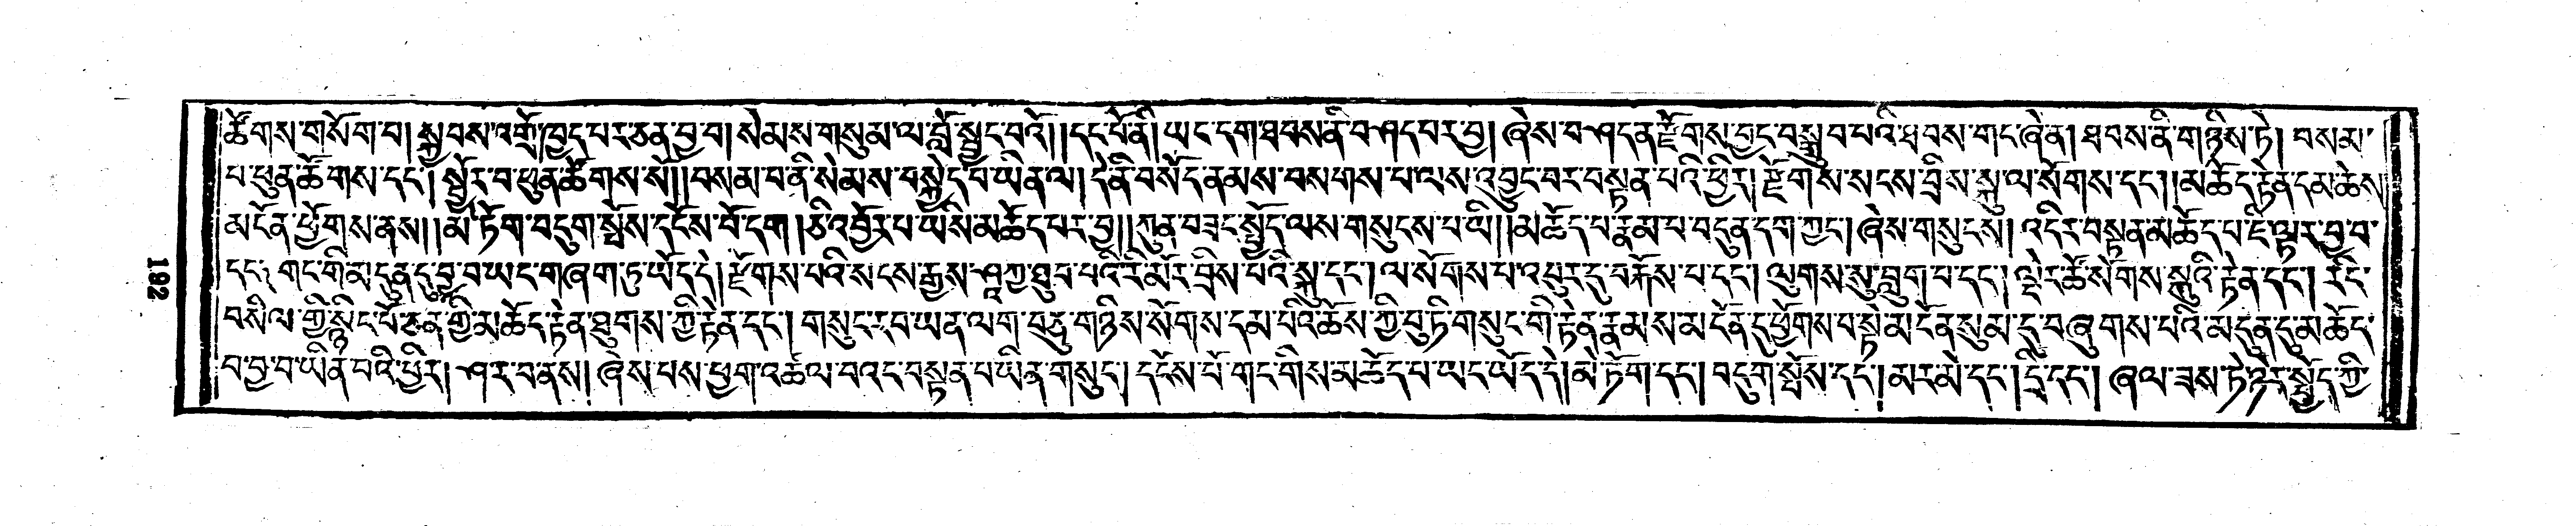ཚོགས་གསོག་པ། སྐྱབས་འགྲོ་ཁྱད་པར་ཅན་བྱ་བ། སེམས་གསུམ་ལ་བློ་སྦྱང་བའོ། །དང་པོ་ནི། ཡང་དག་ཐབས་ནི་བཤད་པར་བྱ། ཞེས་བཤད་ན་རྫོགས་བྱང་བསྒྲུབ་པའི་ཐབས་གང་ཞེ་ན། ཐབས་ནི་གཉིས་ཏེ། བསམ་
པ་ཕུན་ཚོགས་དང་། སྦྱོར་བ་ཕུན་ཚོགས་སོ། །བསམ་པ་ནི་སེམས་བསྐྱེད་པ་ཡིན་ལ། དེ་ནི་བསོད་ནམས་བསགས་པ་ལས་འབྱུང་བར་བསྟན་པའི་ཕྱིར། རྫོགས་སངས་བྲིས་སྐུ་ལ་སོགས་དང་། །མཆོད་རྟེན་དམ་ཆོས་
མངོན་ཕྱོགས་ནས། །མེ་ཏོག་བདུག་སྤོས་དངོས་པོ་དག །ཅི་འབྱོར་པ་ཡིས་མཆོད་པར་བྱ། །ཀུན་བཟང་སྤྱོད་ལས་གསུངས་པ་ཡི། །མཆོད་པ་རྣམ་པ་བདུན་དག་ཀྱང་། ཞེས་གསུངས། འདིར་བསྟན་མཆོད་པ་ཇི་ལྟར་བྱ་བ་
དང་། གང་གི་མདུན་དུ་བྱ་བ་ཡང་གཞག་ཏུ་ཡོད་དེ། རྫོགས་པའི་སངས་རྒྱས་ཤཱཀྱ་ཐུབ་པའི་རི་མོར་བྲིས་པའི་སྐུ་དང་། ལ་སོགས་པ་འབུར་དུ་བརྐོས་པ་དང་། ལུགས་སུ་བླུག་པ་དང་། ལྡེར་ཚོ་སོགས་སྐུའི་རྟེན་དང་། རིང་
བསིལ་གྱི་སྙིང་པོ་ཅན་གྱི་མཆོད་རྟེན་ཐུགས་ཀྱི་རྟེན་དང་། གསུང་རབ་ཡན་ལག་བཅུ་གཉིས་སོགས་དམ་པའི་ཆོས་ཀྱི་པུ་ཏི་གསུང་གི་རྟེན་རྣམས་མངོན་དུ་ཕྱོགས་པ་སྟེ་མངོན་སུམ་དུ་བཞུགས་པའི་མདུན་དུ་མཆོད་
པ་བྱ་བ་ཡིན་པའི་ཕྱིར། ཤ་ར་བ་ནས། ཞེས་པས་ཕྱག་འཚལ་བའང་བསྟན་པ་ཡིན་གསུང་། དངོས་པོ་གང་གིས་མཆོད་པ་ཡང་ཡོད་དེ། མེ་ཏོག་དང་། བདུག་སྤོས་དང་། མར་མེ་དང་། དྲི་དང་། ཞལ་ཟས་ཏེ་ཉེར་སྤྱོད་ཀྱི་